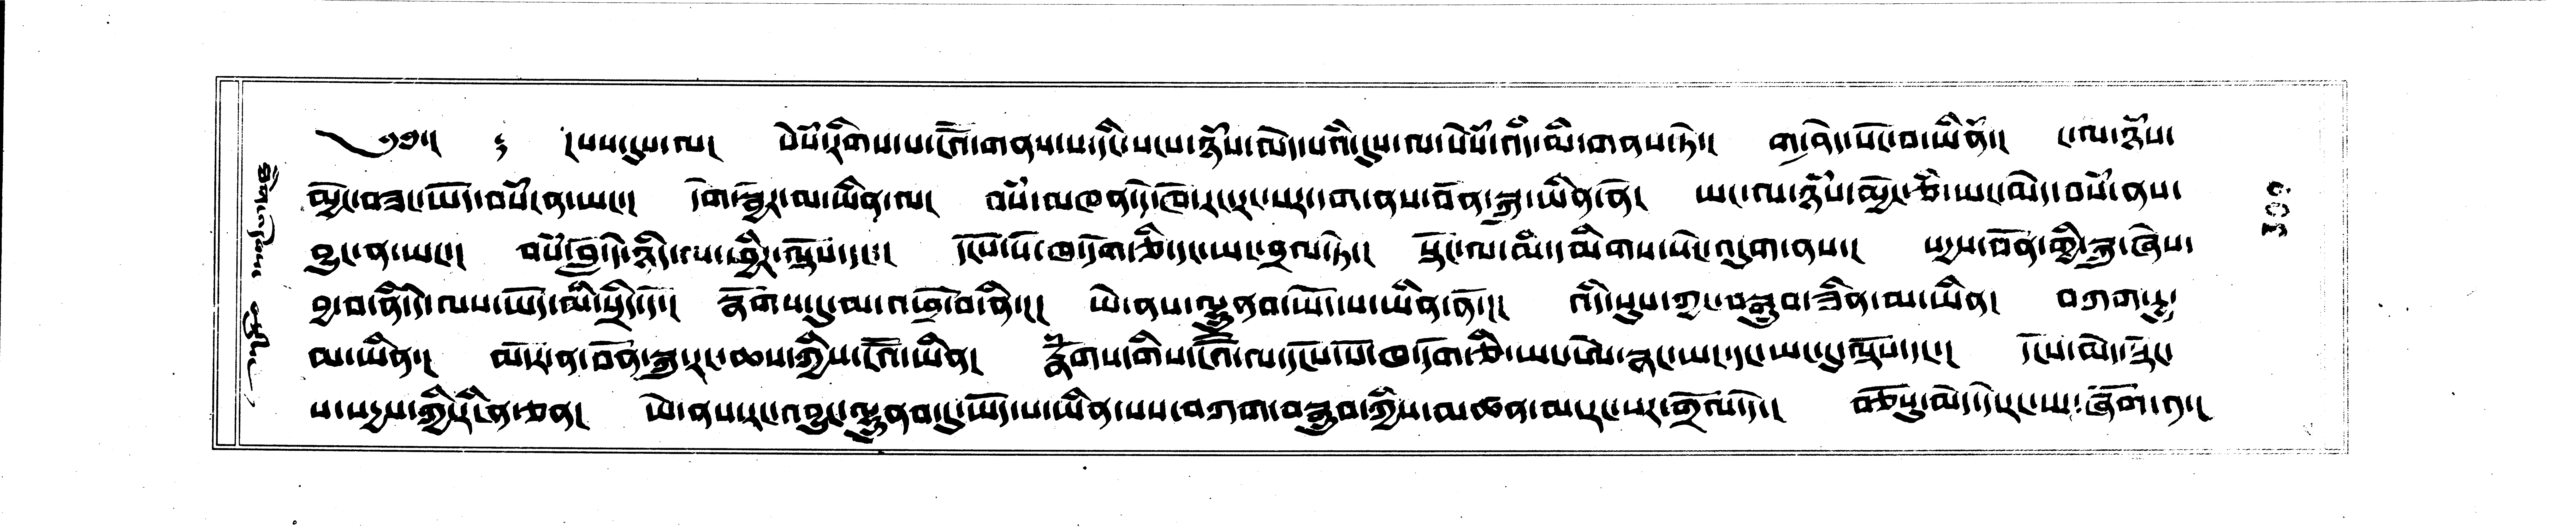པའི་དུས་ལ། སེམས་རིག་པའི་ངོའོ་འདི་གནས་པ་ལ། དེང་སང་ཉམས་མྱོང་མེད་པའི་དུས་ལ། སེམས་འདི་ནི་གནས་ནས་གར་ཤིག་སོང་བ་ཡིན་ནམ། ང་ལ་ཉམས་
མྱོང་བཟང་པོ་ཡོད་དོ་བསམ་ནའང་། དགེ་སྦྱོར་མ་ཡིན་ལ། བསམ་མཁན་དེ་ཀ་རང་སར་དག་ན་བོན་སྐུ་ཡིན། ཡང་ང་ལ་ཉམས་མྱོང་ཅི་ཡང་མེད་བསམ་པའི་བློ་
བྱུང་ཡང་། བསམ་བློ་དེ་ཉིད་ལ་ཕྱིར་ལྟོས་དང་། དངོས་པོ་ཁ་དོག་ཅི་ཡང་བྲལ་ཏེ། སྟོང་ལ་མི་དམིགས་སལེ་འདུག་ན། སངས་རྒྱས་བོན་གྱི་སྐུ་ཅེས་
བྱ་བ་དེ་ནི། དེ་ལས་ཡོད་མི་སྲིད་དོ། སྣ་ཚོགས་དུ་མ་འཕྲོ་བ་འདི་ནི། ཡེ་ནས་ལྷུན་གྲུབ་དུ་ཡོད་པ་ཡིན་ནོ། འདི་སུས་ཀྱང་བསྒྲུབ་ཟིན་མ་ཡིན། བཀག་རྒྱུ་
མ་ཡིན་ནོ། མདོར་ན་བོན་སྐུ་རང་ཆས་ཀྱི་ངོའོ་ཡིན། རྣམ་རྟོག་གི་ངོའོ་ལ་དངོས་པོ་ཁ་དོག་ཅི་ཡང་ཨེ་སྣང་། ཡང་དང་ཡང་དུ་ལྟོས་དང་། དངོས་མེད་སྟོང་
པ་སངས་རྒྱས་ཀྱི་རང་བཞིན་ཅན། ཡེ་ནས་རང་འབྱུང་ལྷུན་གྲུབ་དུ་ཡོད་པ་ཡིན་པས། བཀགས་བསྒྲུབ་ཀྱིས་མཚན་མ་རང་སར་གྲོལ་ཏེ། བཅོས་སུ་མེད་དེ་རང་སར་ཞོག་ཅིག